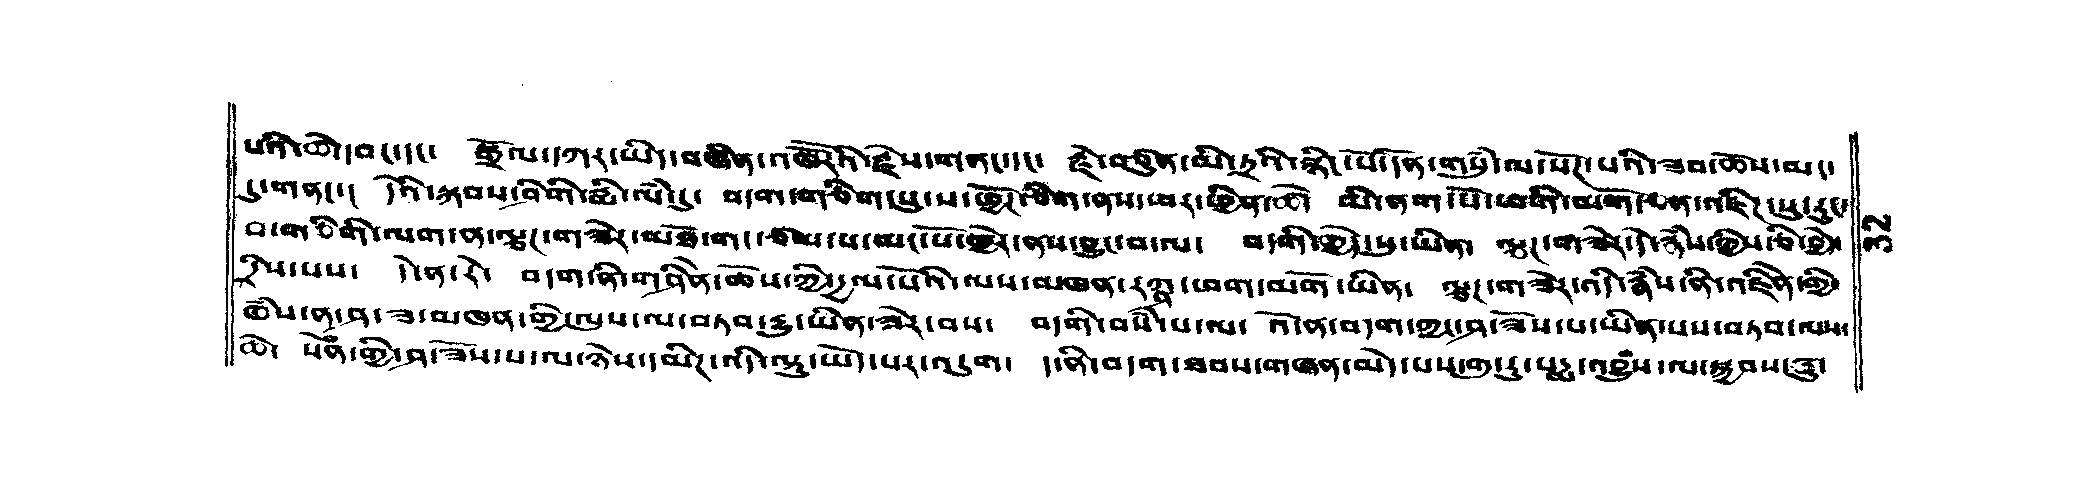པའི་ཚེ་དབང་དང་། སྒྲོལ་དཀར་ཡིན་བཞིན་འཁོར་ལོའི་རྗེས་གནང་དང་། རྗེ་བཙུན་མེ་ཏྲིའི་སྙིང་པོ་དོན་གསུམ་ལ་སོགས་པའི་ཟབ་ཆོས་མང་
དུ་གནང་།དེའི་སྐབས་ཤིག་གི་རྨི་ལམ་དུ། བདག་གཅིག་པུ་ས་ཕྱོགས་གཅིག་ནས་ཕར་ཕྱིན་ཚེ། མི་ནག་པོ་ཕག་གི་མགོ་ཅན་འཇིགས་སུ་རུང་
བ་གཅིག་གི་ལག་ན་ལྕགས་གཟེར་མཐོ་གང་ཙམ་པ་མང་པོ་ཁྱེར་ནས་བྱུང་བ་ལ། བདག་གི་ཁྱེད་སུ་ཡིན། ལྕགས་གཟེར་དེ་རྣམས་ཀྱི་ཅི་བྱེད་
དྲིས་པས། དེ་ན་རེ། བདག་ནི་གཤིན་རྗེ་ཆོས་ཀྱི་རྒྱལ་པོའི་ལས་མཁན་རཀྵ་ཕག་མགོ་ཡིན། ལྕགས་གཟེར་འདི་རྣམས་ནི་འཇིག་རྟེན་གྱི་
ཁམས་ན་ཤ་ཟ་མཁན་གྱི་ལུས་ལ་བཏབ་རྒྱུ་ཡིན་ཟེར་བས། བདག་གི་བསམ་པ་ལ། འོ་ན་བདག་ཀྱང་ཤ་ཟོས་པ་ཡིན་པས་བཏབ་ལས་
ཆེ། སེམས་ཅན་གྱི་ཤ་ཟོས་པ་ལ་ཉེས་དམིགས་འདི་ལྟ་བུ་ཡོད་པར་འདུག ད་ནི་བདག་ཐབས་གཞན་མེད་པས་གུ་རུ་པདྨ་འབྱུང་གནས་ལ་སྐྱབས་ཞུ་